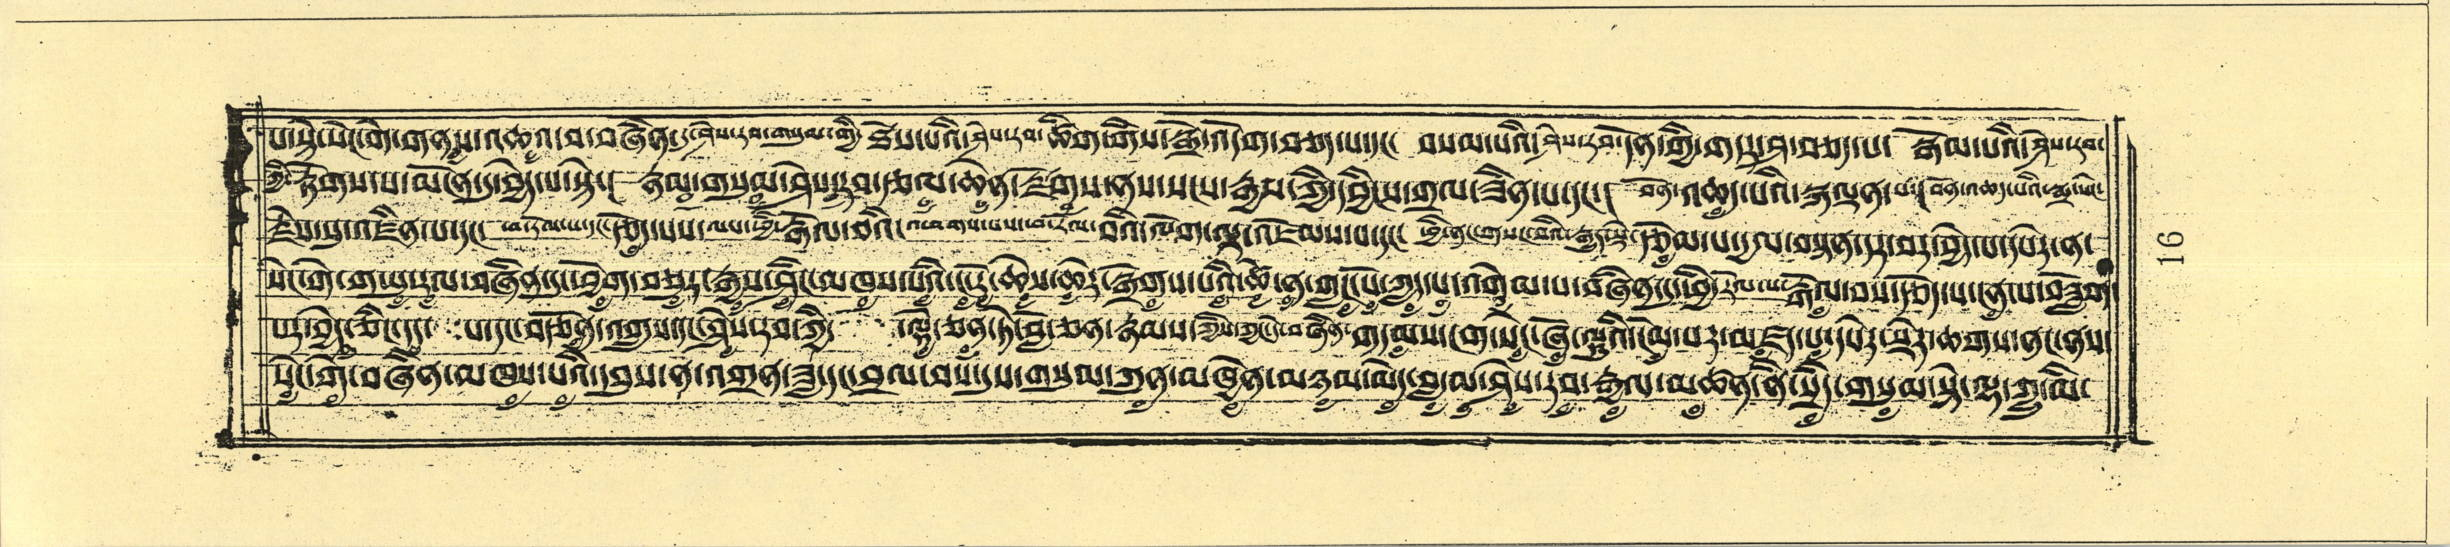པ་སྟེ་སེང་གེ་གནས་འཆའ་བ་བཞིན་དུ་ཤེས་རབ་གསུམ་གྱི་ཐོས་པའི་ཤེས་རབ་ཚིག་གིས་སྒྲོ་འདོགས་བཅད་པ་དང་། བསམ་པའི་ཤེས་རབ་དོན་གྱི་གདར་ཤ་བཅད་པ། སྒོམ་པའི་ཤེས་རབ་
རྟོགས་པ་མངོན་དུ་བྱེད་པ་སྟེ། རྣམ་པ་གསུམ་ཤེས་རབ་རྩལ་ཆེན་རྫོགས་ནས་སངས་རྒྱས་ཀྱི་དབྱིངས་གྲལ་ཟིན་པ་དང་། བོན་འཆད་པའི་སྐལ་ལྡན་བོན་འཆད་པའི་སྨྲ་སེང་
རྗེས་སུ་འཛིན་པ་དང་། ཕ་རོལ་པ་དང་རྩོད་པས་ལས་ཕྱི་རྒོལ་པའི་འཕགས་པས་ཕ་རོལ་བའི་ལོག་ལྟ་འཇོམས་པ་དང་། ཕྱི་ནང་གསང་བའི་རྒྱུད་སྡེ་རྩོམ་པས་རྒྱལ་བསྟན་དར་བར་བྱེད་པ་དཔེར་ན་
སེང་གེ་གཡུ་རལ་བཞིན་དུ་ཕྱོགས་བཅུར་རྒྱས་ཤིང་མཁས་པའི་ང་རོ་ཆེས་ཆེར་སྒྲོག་པའི་ཚེ་ན་གླང་པོ་ཀླད་པ་འགེམས་པ་བཞིན་དུ་ཕྱི་རོལ་པ་རྒོལ་བས་རྩོད་པ་ངན་པ་བཟློག་
པར་བྱེད་ཅིང་དད་པ་དང་། བརྩོན་འགྲུས་དང་ཤེས་རབ་ཀྱི་ལྟ་ཅན་ཏེ་བློ་ཅན་རྣམས་ཀྱིས་ ཀྱང་དེ་བཞིན་གདམས་ངག་སེང་ཞོ་ལྟ་བུའི་ངོམས་པར་མཛད་པ་དཔེར་སྡེར་ཆགས་ནང་ནས་
སེང་གེ་བཞིན་མཁས་པའི་དབུས་ན་འགྲན་ཟླ་དང་བྲལ་བས་དུས་གསུམ་ཀུན་མཁྱེན་མཉམ་མེད་བླ་མ་ཤེས་རབ་རྒྱལ་མཚན་ནི་སྲིད་གསུམ་སྟེ་ལྷ་ཀླུ་མི་